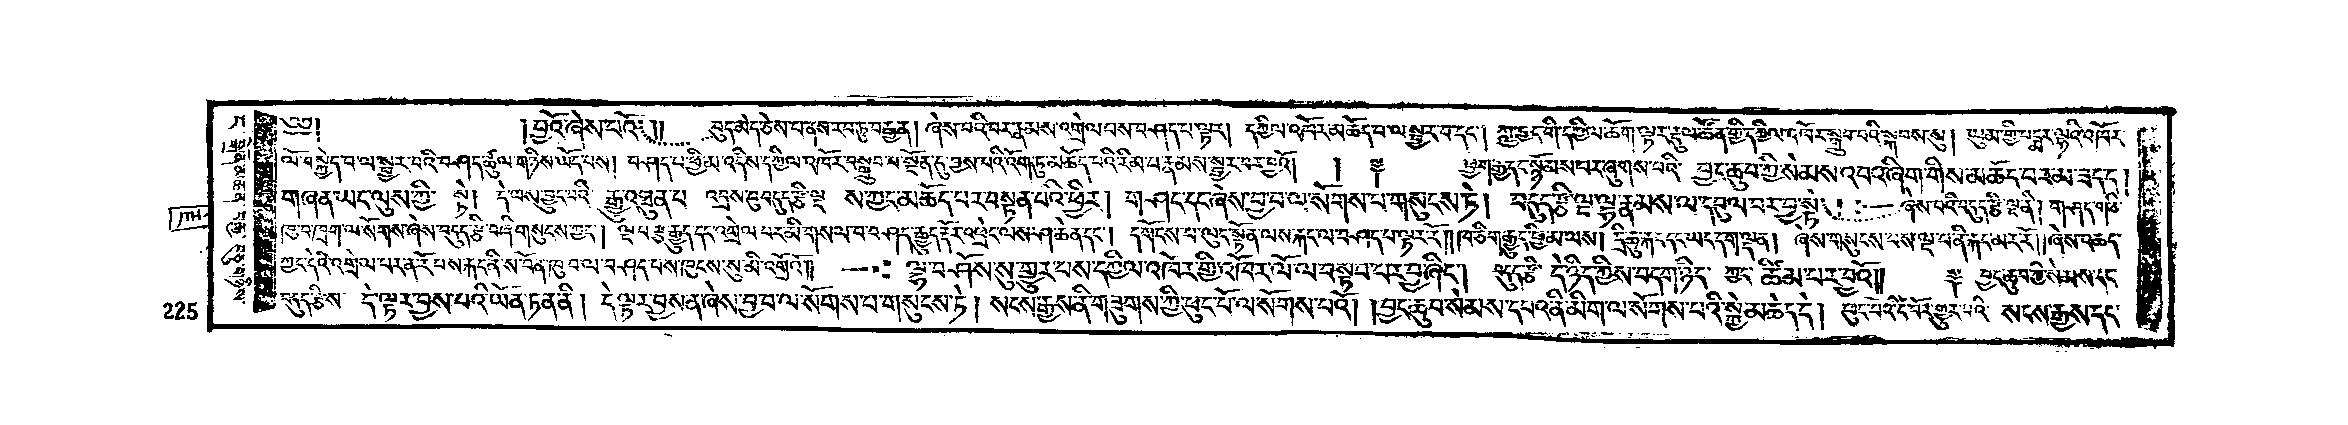༄༅། །བྱའོ་ཞེས་པའོ། །བུད་མེད་ཅེས་པ་ནས་རབ་ཏུ་བརྒྱན། ཞེས་པའི་བར་རྣམས་འགྲེལ་པས་བཤད་པ་ལྟར། དཀྱིལ་འཁོར་མཆོད་པ་ལ་སྦྱར་བ་དང་། ཀླུ་བྱང་གི་དཀྱིལ་ཆོག་ལྟར་རྡུལ་ཚོན་གྱི་དཀྱིལ་འཁོར་སྒྲུབ་པའི་སྐབས་སུ། ཡུམ་གྱི་པདམར་ལྷའི་འཁོར་
ལོ་བསྐྱེད་པ་ལ་སྦྱར་བའི་བཤད་ཚུལ་གཉིས་ཡོད་པས། བཤད་པ་ཕྱི་མ་འདིས་དཀྱིལ་འཁོར་བསྒྲུབ་པ་སྔོན་དུ་བྱས་པའི་འོག་ཏུ་མཆོད་པའི་རིམ་པ་རྣམས་སྦྱར་བར་བྱའོ། ། ༈ ཕྱག་རྒྱ་དང་སྙོམས་པར་ཞུགས་པའི་བྱང་ཆུབ་ཀྱི་སེམས་འབའ་ཞིག་གིས་མཆོད་པར་མ་ཟད་དེ།
གཞན་ཡང་ལུས་ཀྱི་སྟེ། དེ་ལས་བྱུང་བའི་རྒྱུ་འཐུན་པ་འབྲས་བུ་བདུད་རྩི་ལྔས་ཀྱང་མཆོད་པར་བསྟན་པའི་ཕྱིར། གཤང་དང་ཞེས་བྱ་བ་ལ་སོགས་པ་གསུངས་ཏེ། བདུད་རྩི་ལྔ་ལྷ་རྣམས་ལ་དབུལ་བར་བྱ་སྟེ། H.་ཞེས་པའི་བདུད་རྩི་ལྔ་ནི། གཤད་གཅི་
ཁུ་བ་ཁྲག་ལ་སོགས་ཞེས་བདུད་རྩི་བཞི་གསུངས་ཀྱང་། ལྔ་པ་རྩ་རྒྱུད་དང་འགྲེལ་པར་མི་གསལ་བ་བཤད་རྒྱུད་རྡོར་འཕྲེང་ལས་ཤ་ཆེན་དང་། དགོངས་པ་ལུང་སྟོན་ལས་རྐང་ལ་བཤད་པ་ལྟར་རོ། །ཁ་ཅིག་རྒྱུད་ཕྱི་མ་ལས། དྲི་ཆུ་རྐང་དང་ཡང་དག་ལྡན། ཞེས་གསུངས་པས་ལྔ་པ་ནི་རྐང་མར་རོ། །ཞེས་འཆད་
ཀྱང་དེའི་འགྲེལ་པར་ན་རོ་པས་རྐང་ནི་ས་བོན་ཁུ་བ་ལ་བཤད་པས་ཁུངས་སུ་མི་འགྲོའོ།། .Hལྷ་བཤོས་སུ་གྱུར་པས་དཀྱིལ་འཁོར་གྱི་འཁོར་ལོ་ལ་བསྟབ་པར་བྱ་ཞིང་། བདུད་རྩི་དེ་ཉིད་ཀྱིས་བདག་ཉིད་ཀྱང་ཚིམ་པར་བྱའོ།། ༈ བྱང་ཆུབ་ཀྱི་སེམས་དང་
བདུད་རྩིས་དེ་ལྟར་བྱས་པའི་ཡོན་ཏན་ནི། དེ་ལྟར་བྱས་ན་ཞེས་བྱ་བ་ལ་སོགས་པ་གསུངས་ཏེ། སངས་རྒྱས་ནི་གཟུགས་ཀྱི་ཕུང་པོ་ལ་སོགས་པའོ། །བྱང་ཆུབ་སེམས་དཔའ་ནི་མིག་ལ་སོགས་པའི་སྐྱེ་མཆེད་དེ། ཕུང་པོའི་ངོ་བོར་གྱུར་བའི་སངས་རྒྱས་དང་